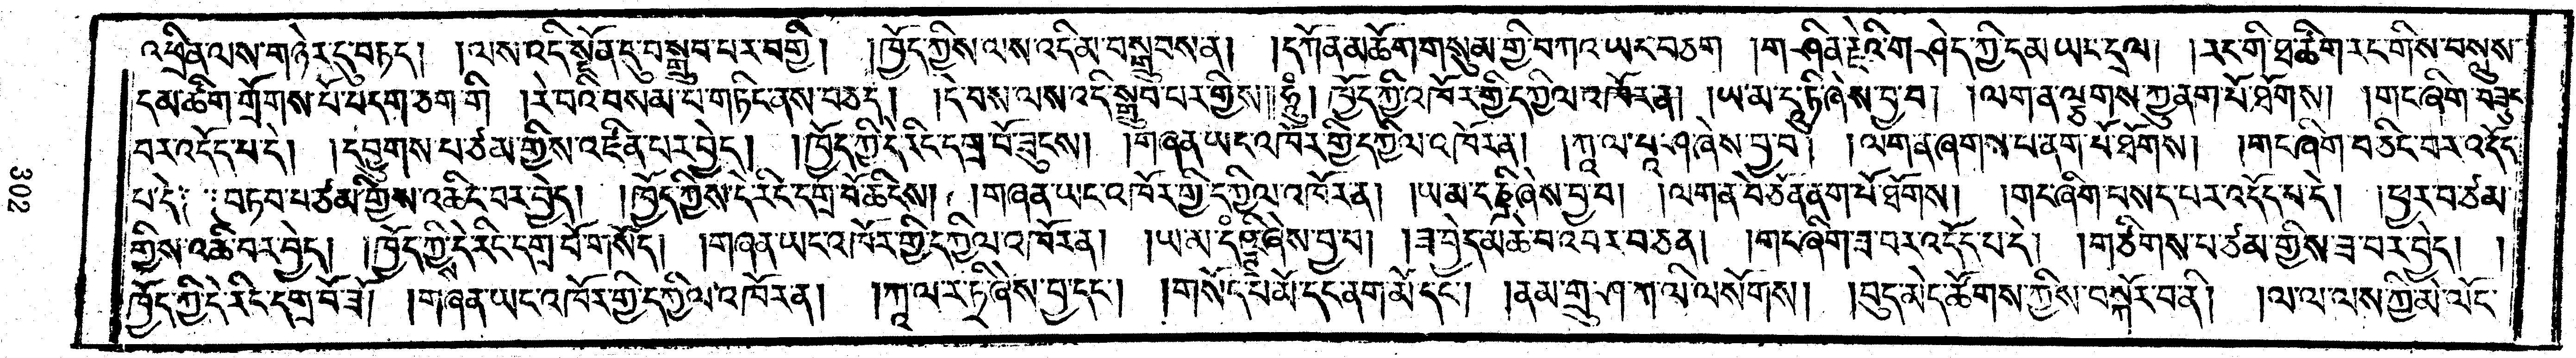འཕྲིན་ལས་གཉེར་དུ་བཏད། །ལས་འདི་སྔོན་དུ་བསྒྲུབ་པར་བགྱི། །ཁྱོད་ཀྱིས་ལས་འདི་མ་བསྒྲུབས་ན། །དཀོན་མཆོག་གསུམ་གྱི་བཀའ་ཡནར་བཅག །གཤིན་རྗེའི་གཤེད་ཀྱི་དམ་ཡང་དྲལ། །རང་གི་ཐ་ཚིག་རང་གིས་བསླུས་
དམ་ཚིག་གྲོགས་པོ་བདག་ཅག་གི །རེ་བའི་བསམ་པ་གཏིང་ནས་བཅད། །དེ་བས་ལས་འདི་སྒྲུབ་པར་གྱིས། །ཧཱུཾ། ཁྱོད་ཀྱི་འཁོར་གྱི་དཀྱིལ་འཁོར་ན། །ཡ་མ་དཱུ་ཏི་ཞེས་བྱ་བ། །ལག་ན་ལྕགས་ཀྱུ་ནག་པོ་ཐོགས། །གང་ཞིག་བཟུང་
བར་འདོད་པ་དེ། །དབྱུགས་པ་ཙམ་གྱིས་འཛིན་པར་བྱེད། །ཁྱོད་ཀྱི་དེ་རིང་དགྲ་བོ་ཟུངས། །གཞན་ཡང་འཁོར་གྱི་དཀྱིལ་འཁོར་ན། །ཀཱ་ལ་པཱ་ཤ་ཞེས་བྱ་བ། །ལག་ན་ཞགས་པ་ནག་པོ་ཐོགས། །གང་ཞིག་བཅིང་བར་འདོད་
པ་དེ༑ ༑བཏབ་པ་ཙམ་གྱིས་འཆིང་བར་བྱེད། །ཁྱོད་ཀྱིས་དེ་རིང་དགྲ་བོ་ཆིངས། །གཞན་ཡང་འཁོར་གྱི་དཀྱིལ་འཁོར་ན། །ཡ་མ་དཎྜི་ཞེས་བྱ་བ། །ལག་ན་བེ་ཅོན་ནག་པོ་ཐོགས། །གང་ཞིག་བསད་པར་འདོད་པ་དེ། །ཕྱར་བ་ཙམ་
གྱིས་འཆི་བར་བྱེད། །ཁྱོད་ཀྱིས་དེ་རིང་དགྲ་བོ་གསོད། །གཞན་ཡང་འཁོར་གྱི་དཀྱིལ་འཁོར་ན། །ཡ་མ་དཾ་ཥྚྲི་ཞེས་བྱ་བ། །ཟ་བྱེད་མཆེ་བ་འབར་བ་ཅན། །གང་ཞིག་ཟ་བར་འདོད་པ་དེ། །གཙིགས་པ་ཙམ་གྱིས་ཟ་བར་བྱེད། །
ཁྱོད་ཀྱི་དེ་རིང་དགྲ་བོ་ཟོ། །གཞན་ཡང་འཁོར་གྱི་དཀྱིལ་འཁོར་ན། །ཀཱ་ལ་ར་ཏྲི་ཞེས་བྱ་དང་། །གསོད་པ་མོ་དང་ནག་མོ་དང་། །ནམ་གྲུ་ཤ་ཀ་ལི་ལ་སོགས། །བུད་མེད་ཚོགས་ཀྱིས་བསྐོར་བ་ནི། །ལ་ལ་ལས་ཀྱི་མེ་ལོང་